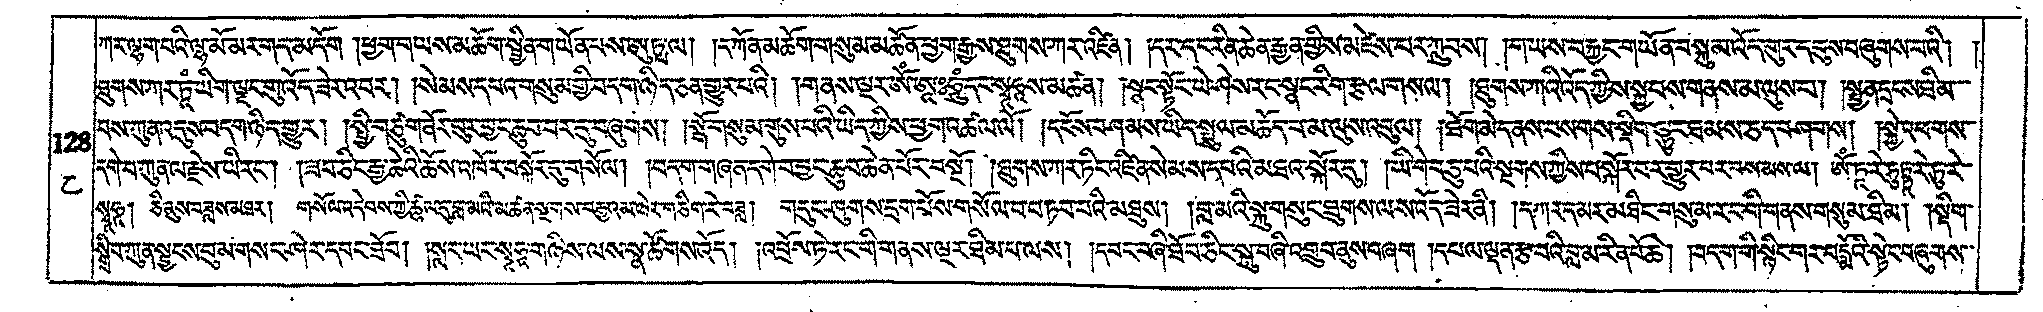ཀར་ལྷག་པའི་ལྷ་མོ་མར་གད་མདོག །ཕྱག་གཡས་མཆོག་སྦྱིན་གཡོན་པས་ཨུཏྤ་ལ། །དཀོན་མཆོག་གསུམ་མཚོན་ཕྱག་རྒྱས་ཐུགས་ཀར་འཛིན། །དར་དང་རིན་ཆེན་རྒྱན་གྱིས་མཛེས་པར་ཀླུབས། །གཡས་བརྐྱང་གཡོན་བསྐུམ་འོད་གུར་དབུས་བཞུགས་པའི། །
ཐུགས་ཀར་ཏཱཾ་ཡིག་ལྗང་གུ་འོད་ཟེར་འབར། །སེམས་དཔའ་གསུམ་གྱི་བདག་ཉིད་ཅན་གྱུར་པའི། །གནས་ལྔར་ཨོཾ་ཨཱཿཧཱུཾ་དང་སྭཱཧཱས་མཚན། །སྣང་སྟོང་ཡེ་ཤེས་རང་སྣང་རིག་རྩལ་གསལ། །ཐུགས་ཀའི་འོད་ཀྱིས་སྐྱབས་གནས་མ་ལུས་པ། །སྤྱན་དྲངས་ཐིམ་་་
པས་ཀུན་འདུས་བདག་ཉིད་གྱུར། །སྤྱི་གཙུག་ནོར་བུར་བྱང་ཆུབ་བར་དུ་བཞུགས། །སྒོ་གསུམ་གུས་པའི་ཡིད་ཀྱིས་ཕྱག་འཚལ་ལོ། །དངོས་བཤམས་ཡིད་སྤྲུལ་མཆོད་པ་མ་ལུས་འབུལ། །ཐོག་མེད་ནས་བསགས་སྡིག་ལྟུང་ཐམས་ཅད་བཤགས། །སྐྱེ་འཕགས་
དགེ་བ་ཀུན་ལ་རྗེས་ཡི་རང་། །ཟབ་ཅིང་རྒྱ་ཆེའི་ཆོས་འཁོར་བསྐོར་དུ་གསོལ། །བདག་གཞན་དགེ་བ་བྱང་ཆུབ་ཆེན་པོར་བསྔོ། །ཐུགས་ཀར་ཏིང་འཛིན་སེམས་དཔའི་མཐའ་སྐོར་དུ། །ཡི་གེ་བཅུ་པའི་སྔོ། །ཐུགས་ཀར་ཏིང་འཛིན་སེམས་དཔའི་མཐའ་སྐོར་དུ། །ཡི་གེ་བཅུ་པའི་སྔགས་ཀྱིས་བསྐོར་བར་གྱུར་པར་བསམས་ལ། ཨོཾ་ཏཱ་རེ་ཏུཏྟཱ་རེ་ཏུ་རེ་་་
སྭཱཧཱ། ཅི་ནུས་བཟླས་མཐར། གསོལ་འབྡེབས་ཀྱི་ཚུལ་དུ་བླ་མའི་མཚན་སྔགས་བརྒྱའམ་ཉེར་གཅིག་རེ་བཟླ།  གདུང་ཤུགས་དྲག་པོས་གསོལ་བ་བཏབ་པའི་མཐུས། །བླ་མའི་སྐུ་གསུང་ཐུགས་ལས་འོད་ཟེར་ནི། །དཀར་དམར་མཐིང་གསུམ་རང་གི་གནས་གསུམ་ཐིམ། །སྡིག་
སྒྲིབ་ཀུན་སྦྱངས་བུམ་གསང་ཤེར་དབང་ཐོབ། །སླར་ཡང་སྭཱཧཱ་གཉིས་ལས་སྣ་ཚོགས་འོད། །འཕྲོས་ཏེ་རང་གི་གནས་ལྔར་ཐིམ་པ་ལས། །དབང་བཞི་ཐོབ་ཅིང་སྐུ་བཞི་འགྲུབ་ནུས་བཞག །དཔལ་ལྡན་རྩ་བའི་བླ་མ་རིན་པོ་ཆེ། །བདག་གི་སྙིང་གར་པདམོའི་སྟེང་བཞུགས་་་